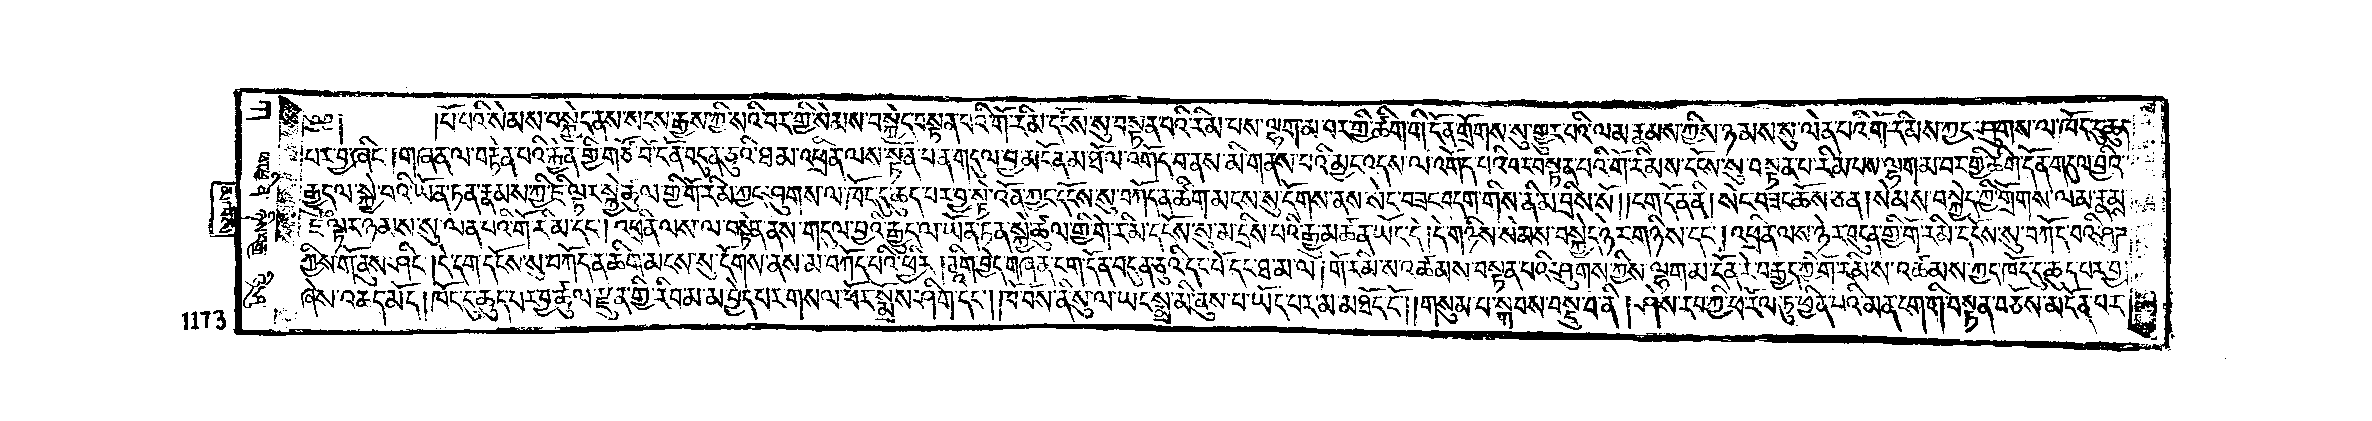༄༅། །པོ་པའི་སེམས་བསྐྱེད་ནས་སངས་རྒྱས་ཀྱི་སའི་བར་གྱི་སེམས་བསྐྱེད་བསྟན་པའི་གོ་རིམ་དངོས་སུ་བསྟན་པའི་རིམ་པས་ལྷག་མ་བར་གྱི་ཚིག་གི་དོན་གྲོགས་སུ་གྱུར་པའི་ལམ་རྣམས་ཀྱིས་ཉམས་སུ་ལེན་པའི་གོ་རིམས་ཀྱང་ཤུགས་ལ་ཁོང་དུ་ཆུད་
པར་བྱ་ཞིང་། གཞན་ལ་བརྟེན་པའི་རྐྱེན་གྱི་གཙོག་བོ་དོན་བདུན་ཅུའི་ཐམ་འཕྲིན་ལས་སྟོན་པ་ན་གདུལ་བྱ་མངོན་མ་ཐོས་འགོད་པ་ནས་མི་གནས་པའི་མྱང་འདས་ལ་འགོད་པའི་བར་བསྟན་པའི་གོ་རིམ་དངོས་སུ་བསྟན་པ་རིམ་པས་ལྷག་མ་བར་གྱི་གདོན་གདུལ་བྱའི་
རྒྱུད་ལ་སྐྱེ་བའི་ཡོན་ཏན་རྣམས་ཀྱི་ཇི་ལྟར་སྐྱེ་ཚུལ་གྱི་གོ་རིམ་ཀྱང་ཤུགས་ལ་ཁོང་དུ་ཆུང་པར་བྱ་སྟེ་འོན་ཀྱང་དངོས་སུ་བཀོད་ན་ཚིག་མངས་སུ་དོགས་ནས་སེང་བཟང་བདག་གིས་ནི་མ་བྲིས་སོ། །དག་དོན་ནི། སེང་བཟང་ཆོས་ཅན། སེམས་བསྐྱེད་ཀྱི་གྲོགས་ལམ་རྣམས་
ཇི་ལྟར་ཉམས་སུ་ལན་པའི་གོ་རིམ་དང་། འཕྲིན་ལས་ལ་བསྟེན་ནས་གདུལ་བྱའི་རྒྱུད་ལ་ཡོན་ཏན་སྐྱེ་ཚུལ་གྱི་གོ་རིམ་དངོས་སུ་མ་དྲིས་པའི་རྒྱུ་མཚན་ཡོད་དེ། དེ་གཉིས་སེམས་བསྐྱེད་ཉེར་གཉིས་དང་། འཕྲིན་ལས་ཉེར་བདུན་གྱི་གོ་རིམ་དངོས་སུ་བཀོད་པའི་ཤུགས་
ཀྱིས་གོ་ནུས་ཤིང་། དེ་དག་དངོས་སུ་བཀོད་ན་ཚིག་མང་དུ་དོགས་ནས་མ་བཀོད་པའི་ཕྱིར། ཊཱིག་བྱེད་གཞན་དག་དོན་བདུན་ཅུའི་དང་པོ་དང་ཐ་མ་ལ། ཇོག་རིམ་ས་འཚམས་བསྟན་པའི་ཤུགས་ཀྱིས་ལྷག་མ་དོན་རེ་བརྒྱུད་ཀྱི་གོ་རིམ་ས་འཚམས་ཀྱང་ཁོང་དུ་ཆུད་པར་བྱ་
ཞེས་འཆེད་མོད། ཁོང་དུ་པར་བྱ་ཚུལ་རྫུན་གྱི་རིབ་མ་མ་མྦྱེད་པར་གསལ་ཕོར་སྨྲོས་ཤིག་དང་། ཁོ་བོས་ནི་སུ་ལ་ཡང་སྨྲ་མི་ནུས་པ་ཡོད་པར་མ་མཐོང་ངོ། །གསུམ་པ་སྐབས་བསུད་པ་ནི། ཤེས་རབ་ཀྱི་ཕ་རོལ་ཏུ་ཕྱིན་པའི་མན་ངག་གི་བསྟན་བཅོས་མངོན་པར་